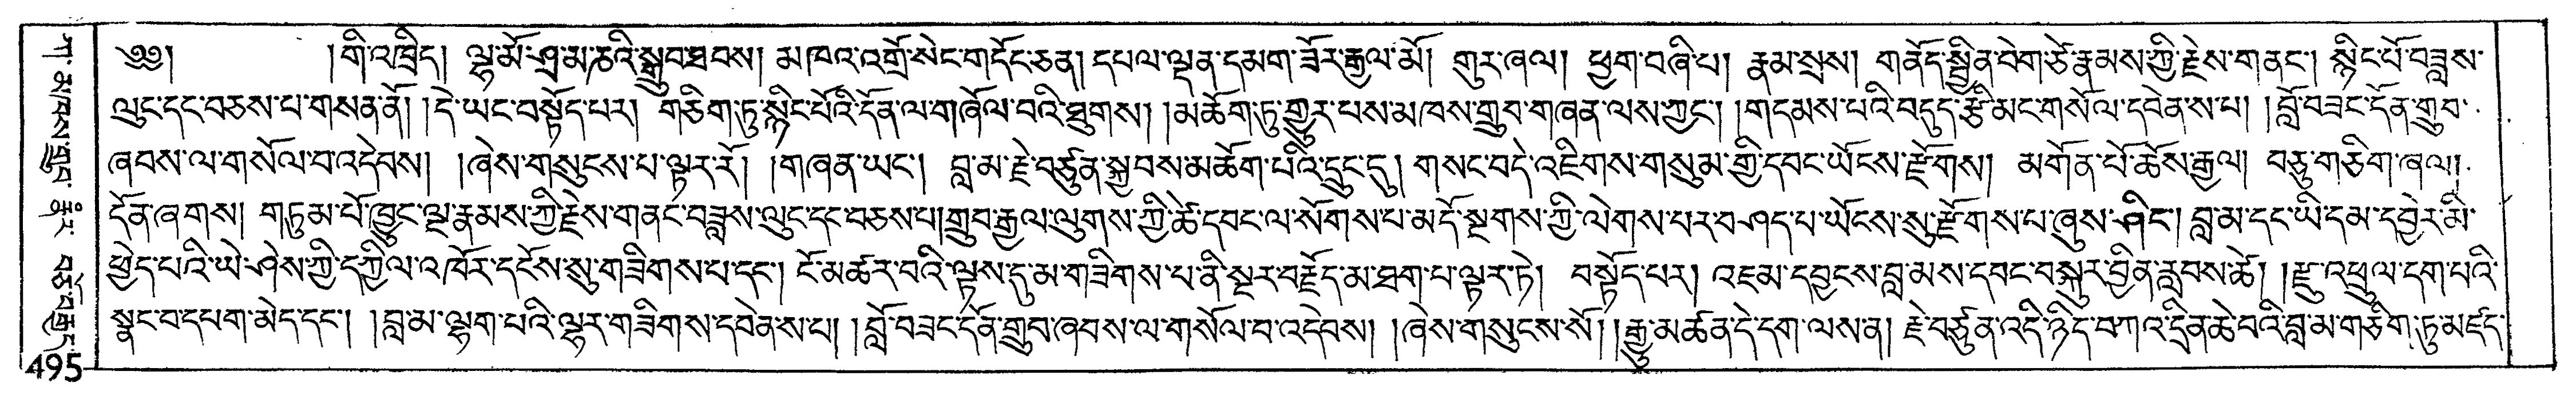༄༅། །གི་འཁྲིད། ལྷ་མོ་ཤྲ་མ་ཎའི་སྒྲུབ་ཐབས། མཁའ་འགྲོ་སེང་གདོང་ཅན། དཔལ་ལྡན་དམག་ཟོར་རྒྱལ་མོ། གུར་ཞལ། ཕྱག་བཞི་པ། རྣམ་སྲས། གནོད་སྦྱིན་བེག་ཙེ་རྣམས་ཀྱི་རྗེས་གནང་། སྙིང་པོ་བཟླས་
ལུང་དང་བཅས་པ་གསན་ནོ། །དེ་ཡང་བསྟོད་པར། གཅིག་ཏུ་སྙིང་པོའི་དོན་ལ་གཞོལ་བའི་ཐུགས། །མཆོག་ཏུ་གྱུར་པས་མཁས་གྲུབ་གཞན་ལས་ཀྱང་། །གདམས་པའི་བདུད་རྩི་མང་གསོལ་དབེན་ས་པ། །བློ་བཟང་དོན་གྲུབ་
ཞབས་ལ་གསོལ་བ་འདེབས། །ཞེས་གསུངས་པ་ལྟར་རོ། །གཞན་ཡང་། བླ་མ་རྗེ་བཙུན་སྐྱབས་མཆོག་པའི་དྲུང་དུ། གསང་བདེ་འཇིགས་གསུམ་གྱི་དབང་ཡོངས་རྫོགས། མགོན་པོ་ཆོས་རྒྱལ། བཅུ་གཅིག་ཞལ།
དོན་ཞགས། གཏུམ་པོ་ཁྱུང་ལྔ་རྣམས་ཀྱི་རྗེས་གནང་བཟླས་ལུང་དང་བཅས་པ། གྲུབ་རྒྱལ་ལུགས་ཀྱི་ཚེ་དབང་ལ་སོགས་པ་མདོ་སྔགས་ཀྱི་ལེགས་པར་བཤད་པ་ཡོངས་སུ་རྫོགས་པ་ཞུས་ཤིང་། བླ་མ་དང་ཡི་དམ་དབྱེར་མི་
ཕྱེད་པའི་ཡེ་ཤེས་ཀྱི་དཀྱིལ་འཁོར་དངོས་སུ་གཟིགས་པ་དང་། ངོ་མཚར་བའི་ལྟས་དུ་མ་གཟིགས་པ་ནི་སྔར་བརྗོད་མ་ཐག་པ་ལྟར་ཏེ། བསྟོད་པར། འཇམ་དབྱངས་བླ་མས་དབང་བསྐུར་བྱིན་རླབས་ཚེ། །རྫུ་འཕྲུལ་དག་པའི་
སྣང་བ་དཔག་མེད་དང་། །བླ་མ་ལྷག་པའི་ལྷར་གཟིགས་དབེན་ས་པ། །བློ་བཟང་དོན་གྲུབ་ཞབས་ལ་གསོལ་བ་འདེབས། །ཞེས་གསུངས་སོ། །རྒྱུ་མཚན་དེ་དག་ལས་ན། རྗེ་བཙུན་འདི་ཉིད་བཀའ་དྲིན་ཆེ་བའི་བླ་མ་གཅིག་ཏུ་མཛད་